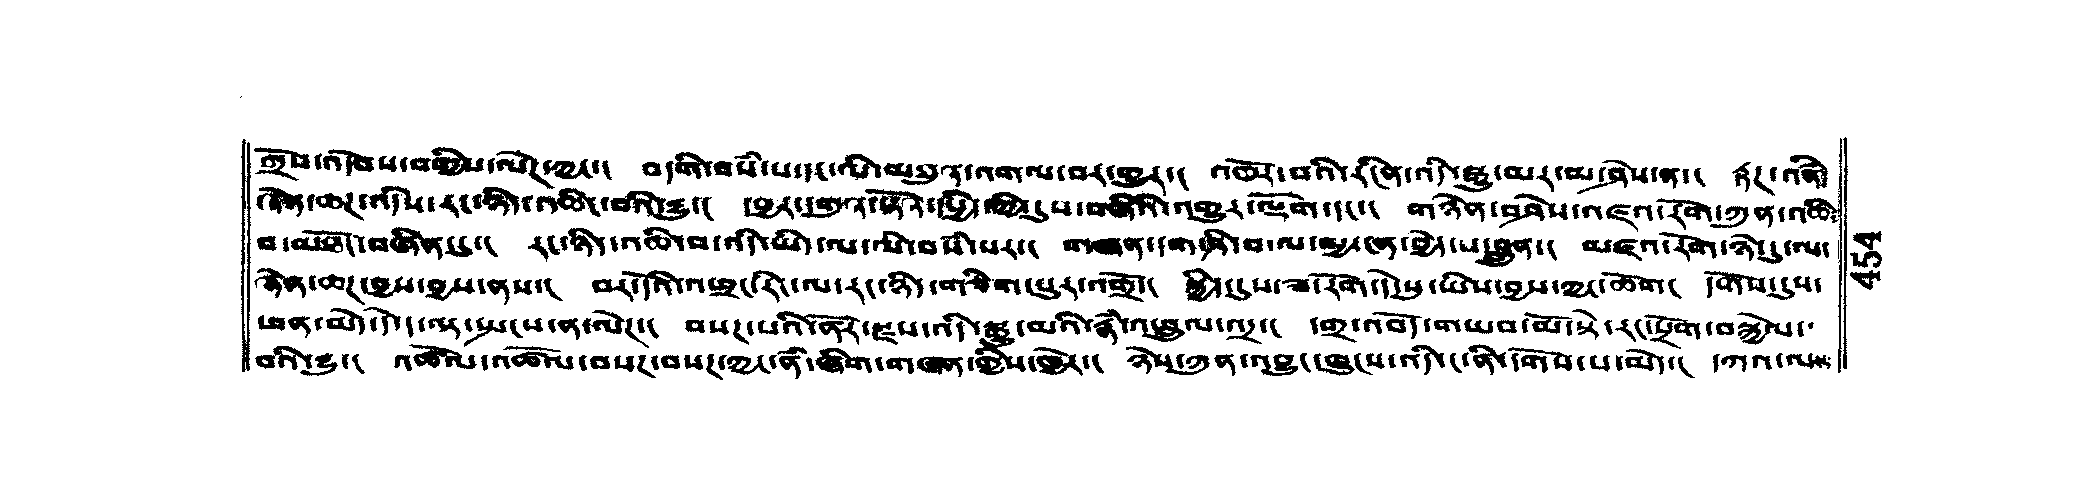གྲོས་འདེབས་བགྱིས་ལགས་ཀྱང་། །བདག་གི་བསམ་པ་དང་མི་མཐུན་འགལ་བར་གྱུར། །འཁོར་བའི་རང་བཞིན་འདི་སྒྱུ་མར་མ་ཤེས་ན། །རྟག་འཛིན་
ཞེན་ཆགས་འདིས་རང་ཉིད་འཆིང་བའི་རྒྱུ། །དབྱར་དགུན་སྟོན་དཔྱིད་ཀྱི་དུས་བཞིའི་འགྱུར་ལྡོག་དང་། །གཉེན་བཤེས་འཛའ་རོགས་ཀུན་འཆི་
བ་མཐོང་བཞིན་དུ། །རང་ཉིད་འཆི་བ་འདི་ཡིད་ལ་མི་བསམ་པར། །གཞན་དག་ཤི་བ་ལ་མྱ་ངན་བྱེད་པ་བླུན། །མཛའ་རོགས་ཉེ་དུ་ལ་
ཞེན་ཆགས་བྱས་བྱས་ནས། །བར་དོའི་འཕྲང་རིང་ལ་རང་ཉིད་གཅིག་པུར་འགྲོ། །སྐྱིད་དུས་ཟ་རོགས་དེ་སུ་ཡིས་བྱས་ཀྱང་ཆོག།དགོས་དུས་
ཕན་མེད་དེ་ད་ལྟ་སྤངས་ན་ལེགས། །བསགས་པའི་ནོར་རྫས་འདི་སྒྱུ་མའི་རྣམ་འཕྲུལ་འདྲ། །དགྲ་འབོད་གཡབ་མོ་སྟེ་རང་སྲོག་བསྐྱེལ་
བའི་རྒྱུ། །འཚོལ་འཚོལ་བསགས་བསགས་ཀྱང་ནམ་ཞིག་གཞན་གྱིས་ཁྱེར། །ཉེས་ཀུན་འབྱུང་ཁུངས་འདི་ང་ནི་དགོས་པ་མེད། །དཀའ་ལས་